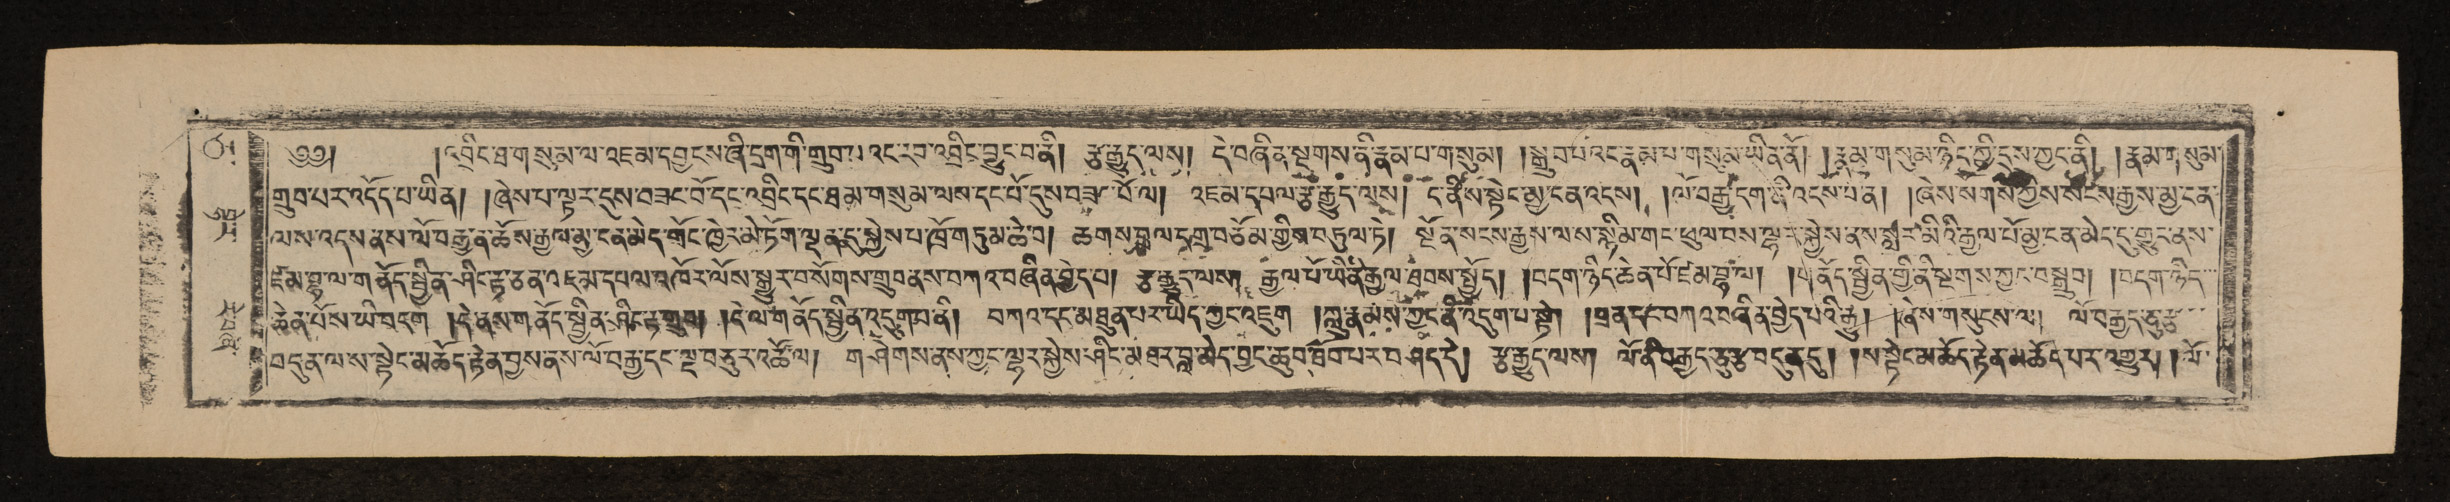༄༅། །འབྲིང་ཐ་གསུམ་ལ་འཇམ་དབྱངས་ཞི་དྲག་གི་གྲུབ་པའང་རབ་འབྲིང་བྱུང་བ་ནི། རྩ་རྒྱུད་ལས། དེ་བཞིན་སྔགས་ནི་རྣམ་པ་གསུམ། །སྒྲུབ་པའང་རྣམ་པ་གསུམ་ཡིན་ནོ། །རྣམ་གསུམ་ཉིད་ཀྱི་དུས་ཀྱང་ནི། །རྣམ་གསུམ་
གྲུབ་པར་འདོད་པ་ཡིན། །ཞེས་པ་ལྟར་དུས་བཟང་པོ་དང་འབྲིང་དང་ཐ་མ་གསུམ་ལས་དང་པོ་དུས་བཟང་པོ་ལ། འཇམ་དཔལ་རྩ་རྒྱུད་ལས། ང་ནི་ས་སྟེང་མྱ་ངན་འདས། །ལོ་བརྒྱ་དག་ནི་འདས་པ་ན། །ཞེས་སོགས་ཀྱིས་སངས་རྒྱས་མྱ་ངན་
ལས་འདས་ནས་ལོ་བརྒྱ་ན་ཆོས་རྒྱལ་མྱ་ངན་མེད་གྲོང་ཁྱེར་མེ་ཏོག་ལྡན་དུ་སྐྱེས་པ་ཁྲོ་གཏུམ་ཆེ་བ། ཆགས་བྲལ་དགྲ་བཅོམ་གྱིས་བཏུལ་ཏེ། སྔོན་སངས་རྒྱས་ལ་ས་སྙིམ་གང་ཕུལ་བས་ལྷ་ར་སྐྱེས་ནས་སླར་མིའི་རྒྱལ་པོ་མྱ་ངན་མེད་དུ་གྱུར་ནས་
ཛམ་བྷ་ལ་གནོད་སྦྱིན་ཤིང་རྟ་ཅན་འཇམ་དཔལ་འཁོར་ལོས་སྒྱུར་བ་སོགས་གྲུབ་ནས་བཀའ་བཞིན་བྱེད་པ། རྩ་རྒྱུད་ལས། རྒྱལ་པོ་ཡི་ནི་རྒྱལ་ཐབས་སྤྱོད། །བདག་ཉིད་ཆེན་པོ་ཛམ་བྷ་ལ། །གནོད་སྦྱིན་གྱི་ནི་སྔགས་ཀྱང་བསྒྲུབ། །བདག་ཉིད་
ཆེན་པོ་ས་ཡི་བདག །དེ་ནས་གནོད་སྦྱིན་ཤིང་རྟ་གྲུབ། །དེ་ལ་གནོད་སྦྱིན་འདུག་པ་ནི། བཀའ་དང་མཐུན་པར་ཡིད་ཀྱང་འཇུག །ཀླུ་རྣམས་ཀྱང་ནི་འདུག་པ་སྟེ། །བྲན་དང་བཀའ་བཞིན་བྱེད་པའི་རྒྱུ། །ཞེས་གསུངས་ལ། ལོ་བརྒྱད་ཅུ་རྩ་
བདུན་ལ་ས་སྟེང་མཆོད་རྟེན་བྱས་ནས་ལོ་བརྒྱ་དང་ལྔ་བཅུར་འཚོལ། གཤེགས་ནས་ཀྱང་ལྷར་སྐྱེས་ཤིང་མཐར་བླ་མེད་བྱང་ཆུབ་ཐོབ་པར་བཤད་དེ། རྩ་རྒྱུད་ལས། ལོ་ནི་བརྒྱད་ཅུ་རྩ་བདུན་དུ། །ས་སྟེང་མཆོད་རྟེན་མཆོད་པར་འགྱུར། །ལོ་